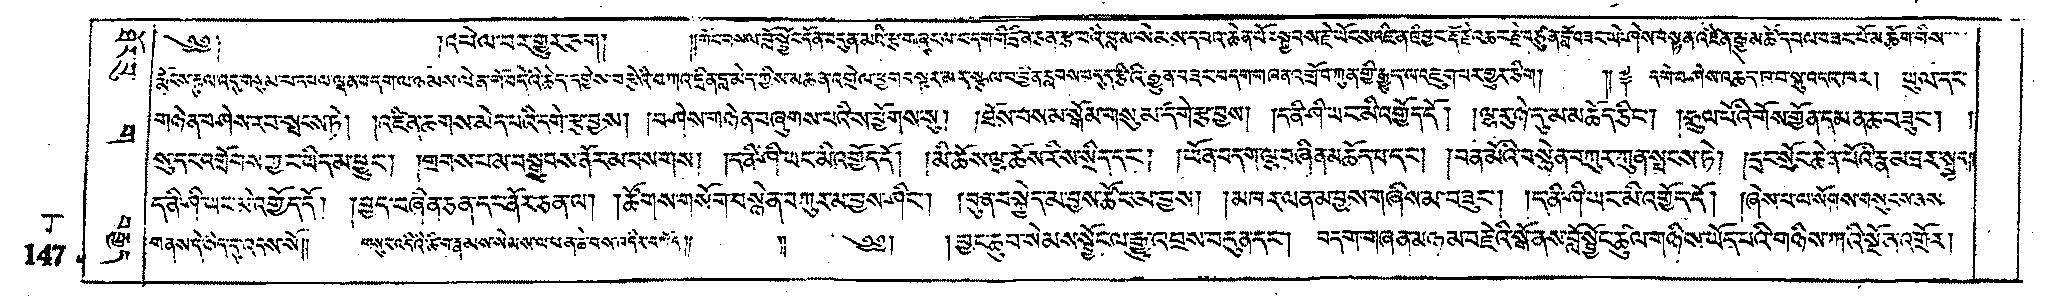༄༅། །འཕེལ་བར་གྱུར་ཅག། །།གོང་གསལ་བློ་སྦྱོང་དོན་བདུན་མའི་རྩ་གཞང་ལ་བདག་གི་དྲིན་ཅན་རྩ་བའི་བླ་མ་སེམས་དཔའ་ཆེན་པོ ༧་སྐྱབས་རྗེ་ཡོངས་འཛིན་ཁྲི་བྱང་རྡོ་རྗེ་འཆང་རྗེ་བཙུན་བློ་བཟང་ཡེ་ཤེས་བསྟན་འཛིན་རྒྱ་མཚོ་དཔལ་བཟང་པོ་མ་ཆོག་གིས་་་
རྨོངས་རྟུལ་འདུ་གསུམ་པ་དཔལ་ལྡན་བདག་ལ་ཉམས་ལེན་གོ་བདེའི་ཆེད་དགྱེས་བརྩེའི་བཀའ་དྲིན་བླ་མེད་ཀྱིས་མཆན་འགྲེལ་ཕྱག་བསྟར་མར་སྩལ་བ་བྱིན་རླབས་རྩིའི་རྒྱུན་བཟང་བདག་གཞན་འགྲོ་བ་ཀུན་གྱི་རྒྱུད་ལ་འཇུག་པར་གྱུར་ཅིག། །། འ་དགེ་བཤེས་འཆད་ཁ་བ་སྐུ་འདའ་ཁར། ཡུལ་དང་
གཉེན་བཤེས་རབ་སྤངས་ཏེ། །འཛིན་ཆགས་མེད་པའི་དགེ་རྩ་བྱས། །བཤེས་གཉེན་བཞུགས་པའི་ས་ཕྱོགས་སུ། །ཐོས་བསམ་སྒོམ་གསུམ་དགེ་རྩ་བྱས། །ད་ནི་ཤི་ཡང་མི་འགྱོད་དོ། །ཧུ་རུ་ཉེ་དུ་མ་མཆོད་ཅིང་། །ཧྲུལ་པོའི་གོས་གྱོན་དམན་ཆ་བཟུང་། །
སུ་དང་འགྲོགས་ཀྱང་ཡིད་མ་ཕྱུང་། །གྲགས་པ་མ་བསྒྲུབས་ནོར་མ་བསགས། །ད་ནི་ཤི་ཡང་མི་འགྱོད་དོ། །མི་ཆོས་ལྷ་ཆོས་རིས་སྲིད་དང་། །ཡོན་བདག་ལྷ་བཞིན་མཆོད་པ་དང་། །བན་མོའི་བསྙེན་བཀུར་ཀུན་སྤངས་ཏེ། །དྲང་སྲོང་ཆེན་པོའི་རྣམ་ཐར་སྤྱད།།
ད་ནི་ཤི་ཡང་མི་འགྱོད་དོ། །བྱད་བཞིན་ཅན་དང་ནོར་ཅན་ལ། །ཚོགས་གསོག་བསྙེན་བཀུར་མ་བྱས་ཤིང་། །བུན་བསྐྱེད་མ་བྱས་ཚོང་མ་བྱས། །མཁར་ལན་མ་བྱས་གཞིས་མ་བཟུང་། །ད་ནི་ཤི་ཡང་མི་འགྱོད་དོ། །ཞེས་པ་ལ་སོགས་གསུངས་ནས་
གནས་དེ་ཉིད་དུ་འདས་སོ།། གསུང་འདིའི་ཚིག་རྣམས་སེམས་ལ་ཕན་ཆེ་བས་འདིར་བཀོད།། །། ༄༅། །བྱང་ཆུབ་སེམས་སྦྱོང་ལ་རྒྱུ་འབྲས་བདུན་དང་། བདག་གཞན་མཉམ་བརྗེའི་སྒོ་ནས་བློ་སྦྱོང་ཚུལ་གཉིས་ཡོད་པའི་གཉིས་ཀའི་སྔོན་འགྲོར།